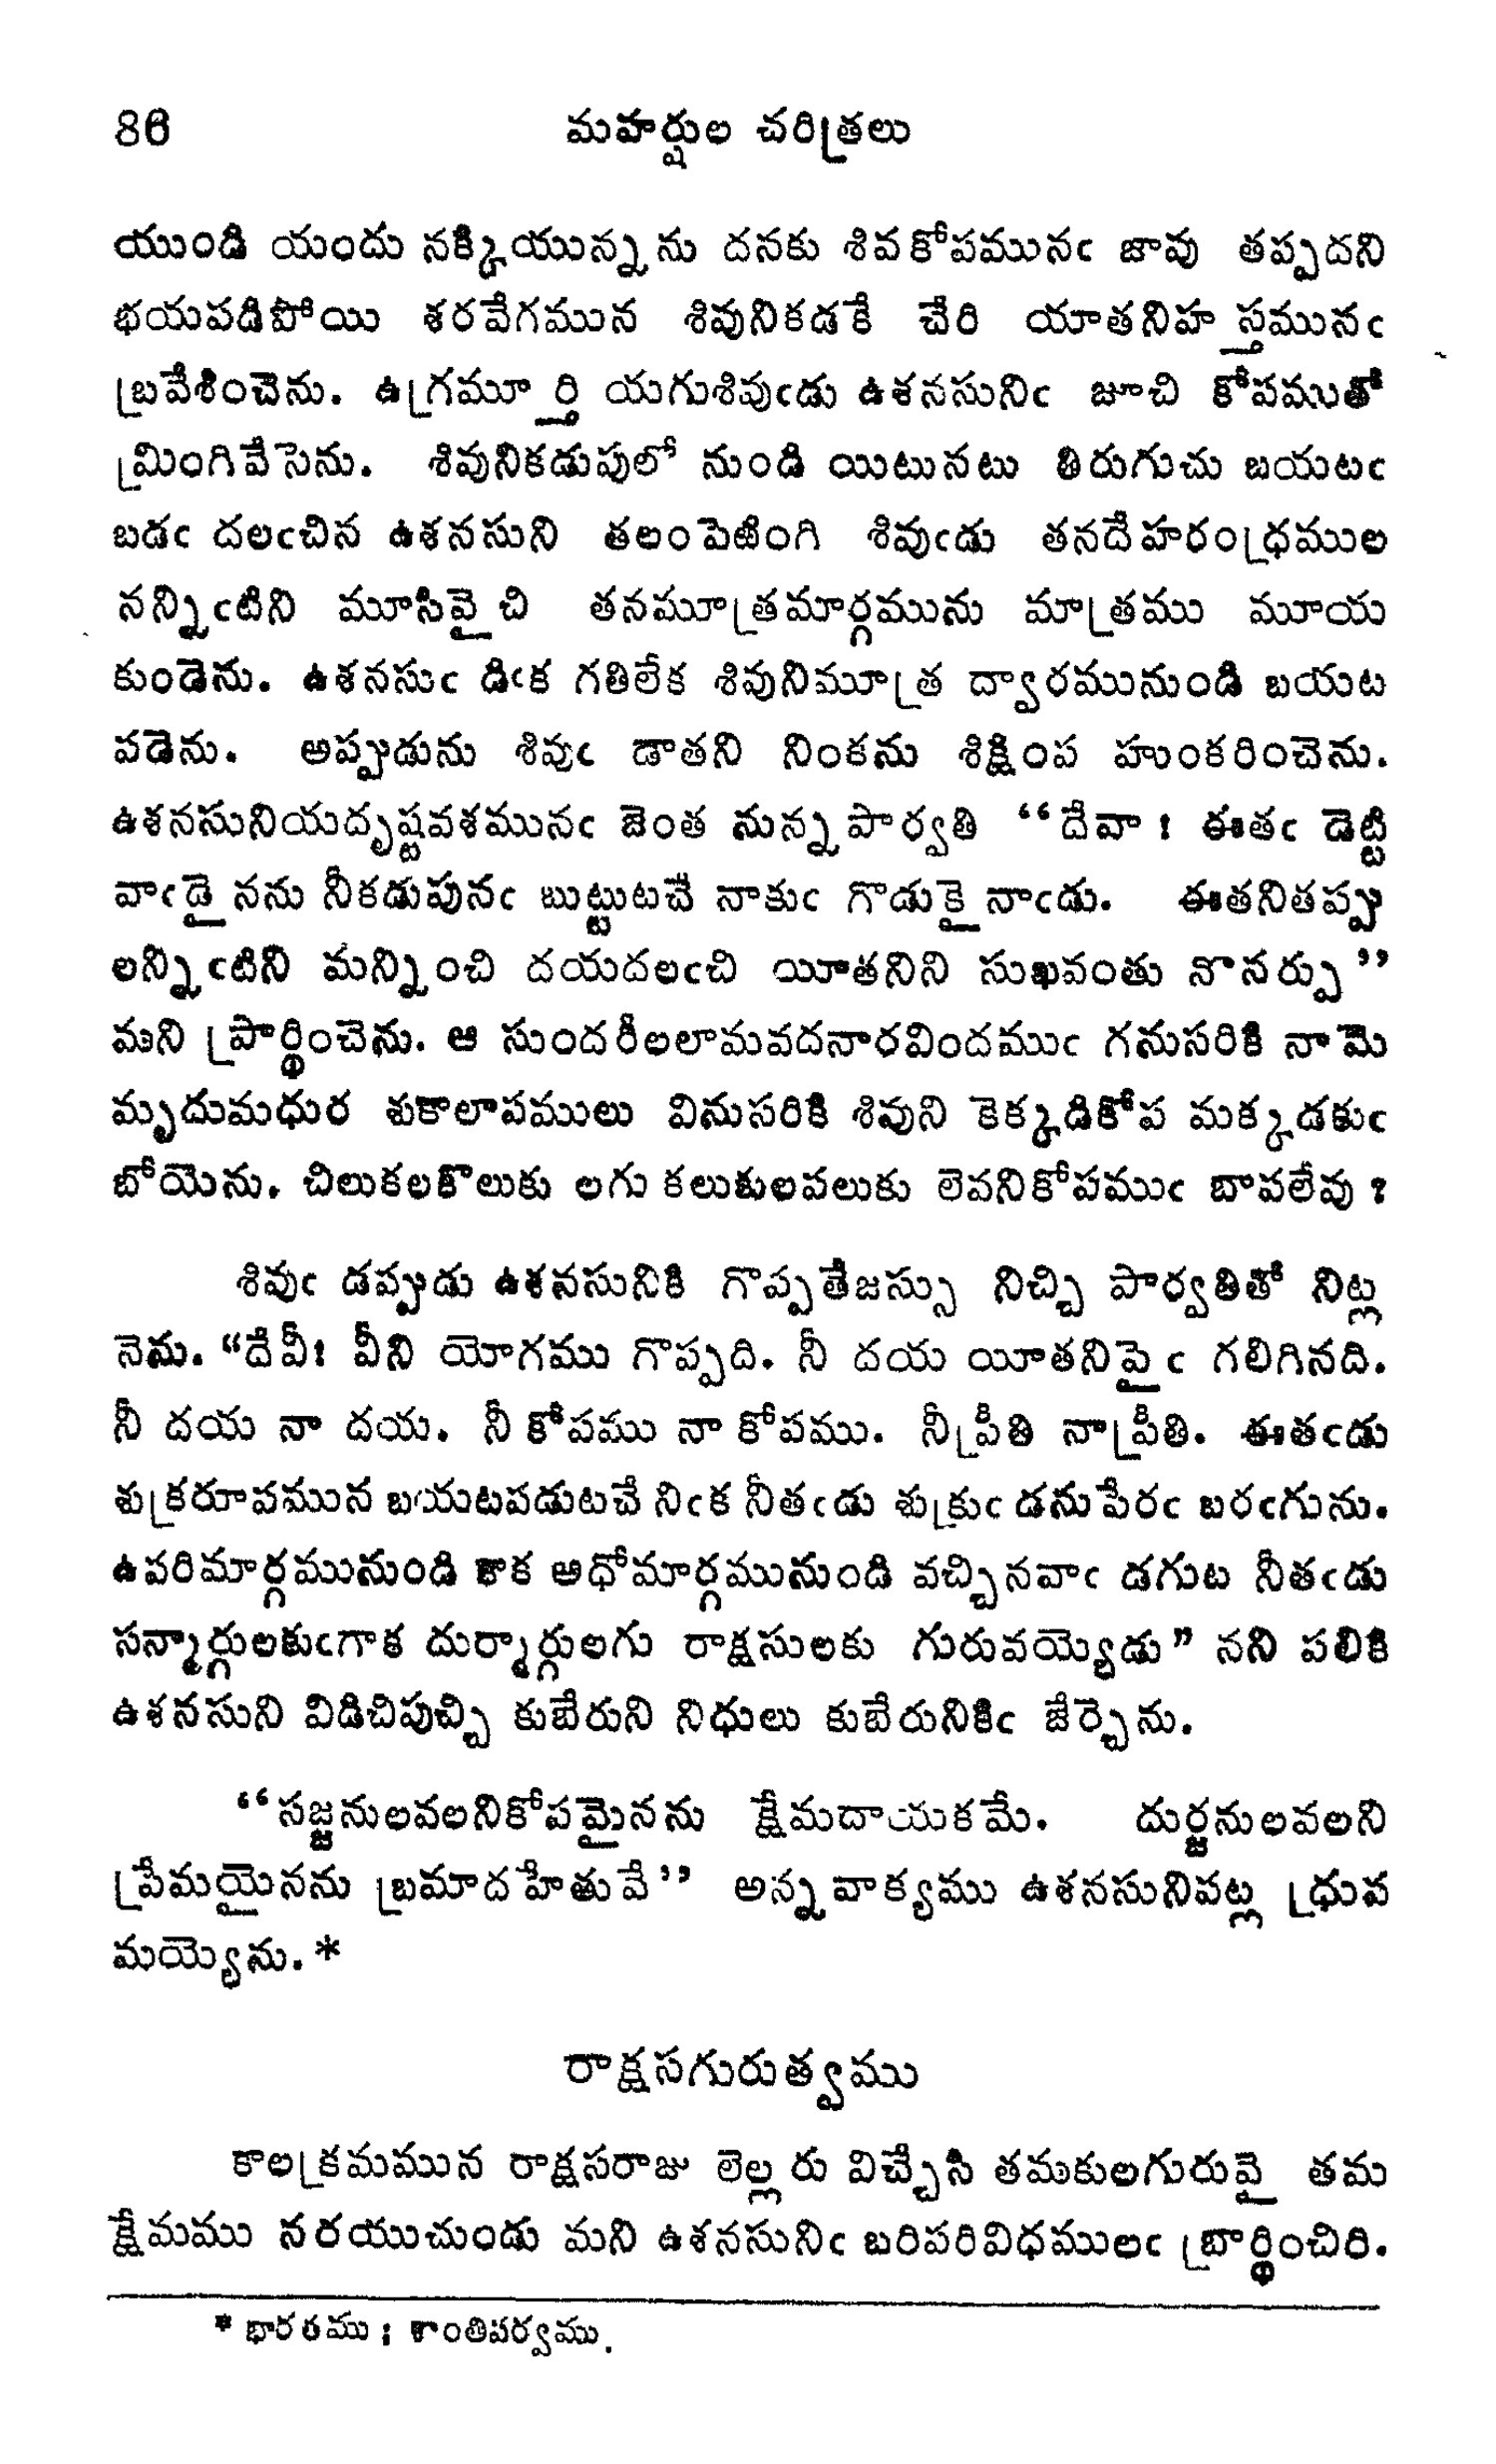యుండి యందు నక్కియున్నను దనకు శివకోపమునఁ జావు తప్పదని భయపడిపోయి శరవేగమున శివునికడకే చేరి యాతనిహస్తమునఁ బ్రవేశించెను. ఉగ్రమూర్తి యగుశివుఁడు ఉశనసునిఁ జూచి కోపముతో మ్రింగివేసెను. శివునికడుపులో నుండి యిటునటు తిరుగుచు బయటఁ బడఁ దలఁచిన ఉశనసుని తలంపెఱింగి శివుఁడు తనదేహరంధ్రముల నన్నిఁటిని మూసివైచి తనమూత్రమార్గమును మాత్రము మూయ కుండెను. ఉశనసుఁ డిఁక గతిలేక శివునిమూత్ర ద్వారమునుండి బయట పడెను. అప్పుడును శివుఁ డాతని నింకను శిక్షింప హుంకరించెను. ఉశనసునియదృష్టవశమునఁ జెంత నున్న పార్వతి “దేవా! ఈతఁ డెట్టి వాఁడై నను నీకడుపునఁ బుట్టుటచే నాకుఁ గొడుకైనాఁడు. ఈతనితప్పు లన్నిఁటిని మన్నించి దయదలఁచి యీతనిని సుఖవంతు నొనర్పు" మని ప్రార్థించెను. ఆ సుందరీలలామవదనారవిందముఁ గనుసరికి నా మె మృదుమధుర శుకాలాపములు వినుసరికి శివుని కెక్కడికోప మక్కడకుఁ బోయెను. చిలుకలకొలుకు లగు కలుకులపలుకు లెవనికోపముఁ బాపలేవు ?

శివుఁ డప్పుడు ఉశనసునికి గొప్పతేజస్సు నిచ్చి పార్వతితో నిట్లనెను. “దేవీ! వీని యోగము గొప్పది. నీ దయ యీతనిపైఁ గలిగినది. నీ దయ నా దయ. నీ కోపము నా కోపము. నీప్రీతి నాప్రీతి. ఈతఁడు శుక్రరూపమున బయటపడుటచే నిఁక నీతఁడు శుక్రుఁ డను పేరఁ బరఁగును. ఉపరిమార్గమునుండి కాక అధోమార్గమునుండి వచ్చినవాఁ డగుట నీతఁడు సన్మార్గులకుఁగాక దుర్మార్గులగు రాక్షసులకు గురువయ్యెడు ” నని పలికి ఉశనసుని విడిచిపుచ్చి కుబేరుని నిధులు కుబేరునికిఁ జేర్చెను.

"సజ్జనులవలనికోపమైనను క్షేమదాయకమే. దుర్జనులవలని ప్రేమయైనను బ్రమాద హేతువే" అన్నవాక్యము ఉశనసునిపట్ల ధ్రువ మయ్యెను.*

రాక్షసగురుత్వము 

కాలక్రమమున రాక్షసరాజు లెల్లరు విచ్చేసి తమకులగురువై తమక్షేమము నరయుచుండు మని ఉశనసునిఁ బరిపరివిధములఁ బ్రార్థించిరి.